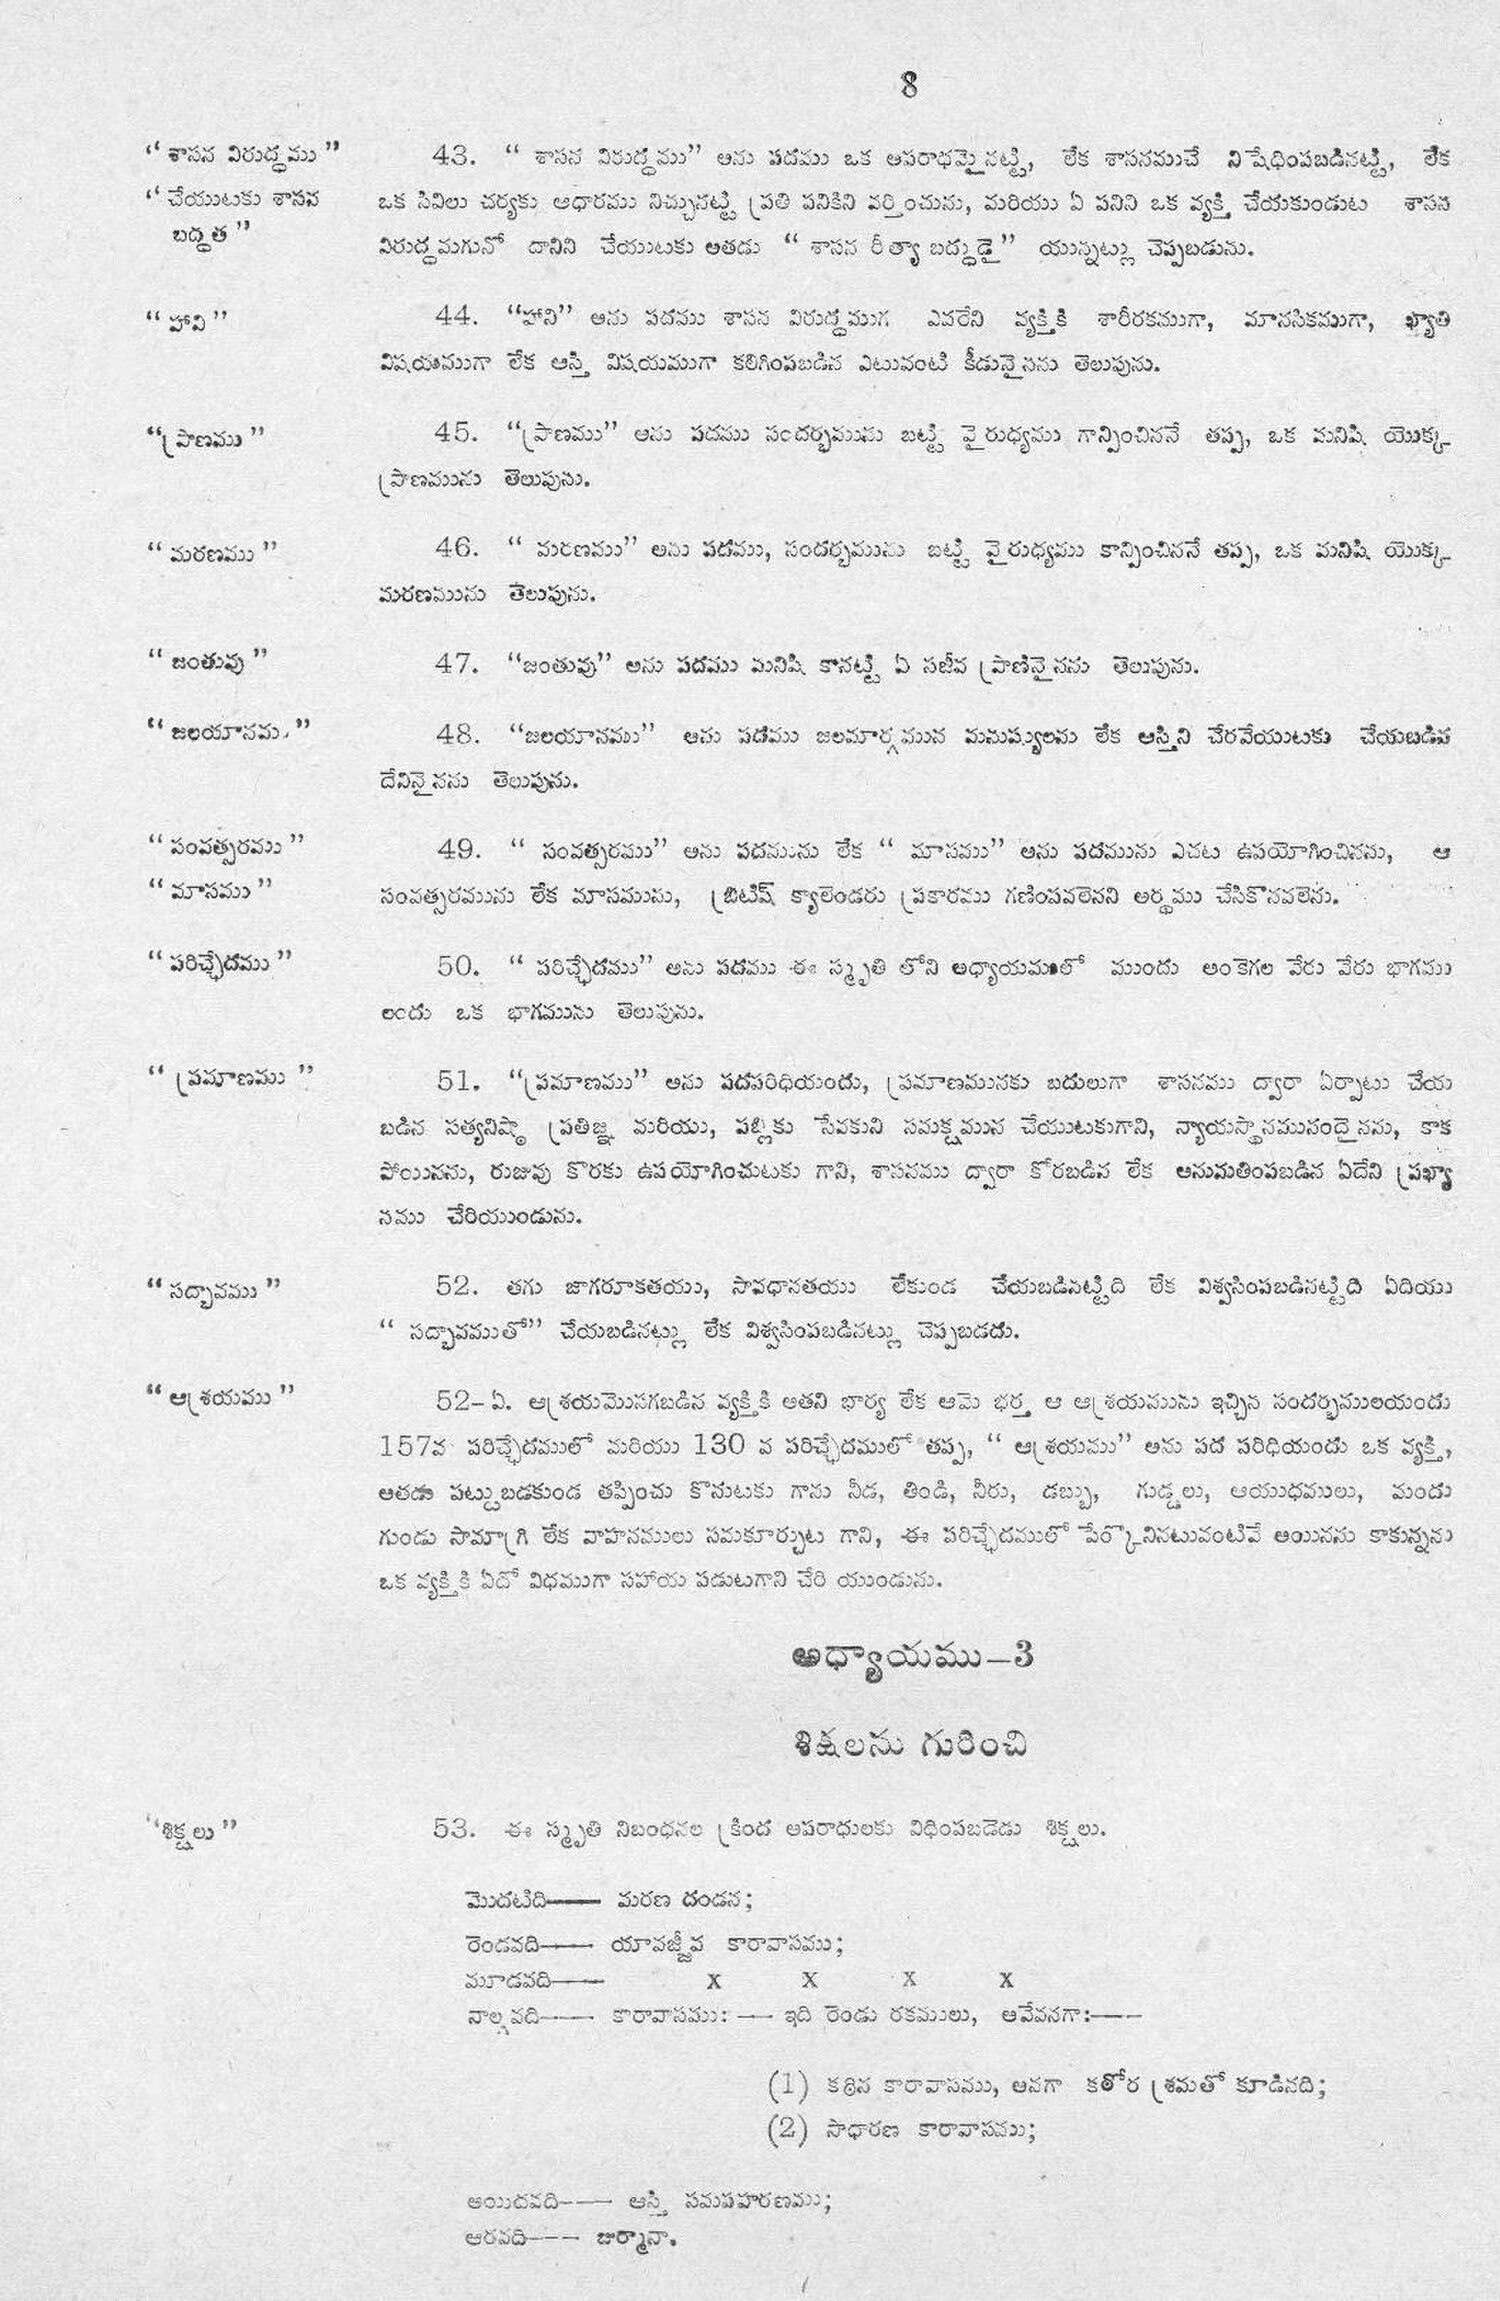"శాసన విరుద్ధము" "చేయుటకు శాసన బద్దత "

43. శాసన విరుధ్ధము" అను పదము ఒక ఆపరాధమైనట్టి, లేక శాసనముచే నిషేధింపబడినట్టి, లేక ఒక సివిలు చర్యకు ఆధారము నిచ్చునట్టి ప్రతి పనికిని వర్తించును, మరియు ఏ పనిని ఒక వ్యక్తి చేయకుండుట శాసనవిరుద్ధ మగునో దానిని చేయుటకు అతడు "శాసన రీత్యా బద్దుడై" యున్నట్లు చెప్పబడును.

"హాని”

44. "హాని” అను పదము శాసన విరుద్ధముగ ఎవరేని వ్యక్తికి శారీరకముగా, మానసికముగా, ఖ్యాతి విషయముగా లేక ఆస్తి విషయముగా కలిగింపబడిన ఎటువంటి కీడునైనను తెలుపును.

“ప్రాణము"

45. "ప్రాణము" అను పదము సందర్భమును బట్టి వైరుధ్యము కాన్పించిననే తప్ప, ఒక మనిషి, యొక్క ప్రాణమును తెలుపును.

"మరణము "

46. " మరణము” అను పదము, సందర్భమును బట్టి వైరుధ్యము కాన్పించిననే తప్ప, ఒక మనిషి యొక్క మరణమును తెలుపును.

"జంతువు"

47. “జంతువు” అను పదము మనిషి, కానట్టి ఏ సజీవ ప్రాణినైనను తెలుపును.

"జలయానము."

48. "జలయానము" అను పదము జలమార్గమున మనుష్యులను లేక ఆస్తిని చేరవేయుటకు చేయబడిన దేనినైనను తెలుపును.

"సంవత్సరము " " మాసము"

49. "సంవత్సరము ” అను పదమును లేక “ మాసము” అను పదమును ఎచట ఉపయోగించినను, ఆ
సంవత్సరమును లేక మాసమును, బ్రిటిష్ క్యాలెండరు ప్రకారము గణింపవలెనని అర్థము చేసికొనవలెను.

“ పరిచ్ఛేదము"

50. "పరిచ్ఛేదము" అను పదము ఈ స్మృతి లోని అధ్యాయములో ముందు అంకెగల వేరు వేరు భాగము లందు ఒక భాగమును తెలుపును.

“ ప్రమాణము "

51. " ప్రమాణము” అను పదపరిధియందు, ప్రమాణమునకు బదులుగా శాసనము ద్వారా ఏర్పాటు చేయబడిన సత్యనిష్టా, ప్రతిజ్ఞ, మరియు, పబ్లికు సేవకుని సమక్షమున చేయుటకుగాని, న్యాయస్థానమునందైనను, కాకపోయినను, రుజువు కొరకు ఉపయోగించుటకు గాని, శాసనము ద్వారా కోరబడిన లేక అనుమతింపబడిన ఏదేని ప్రఖ్యానము చేరియుండును.

"సద్భావము"

52. తగు జాగరూకతయు, సావధానతయు లేకుండ చేయబడినట్టిది లేక విశ్వసింపబడినట్టిది ఏదియు "సద్భావముతో " చేయబడినట్లు లేక విశ్వసింపబడినట్లు చెప్పబడదు.

"ఆశ్రయము"

52- ఏ. ఆశ్రయమొసగబడిన వ్యక్తికి అతని భార్య లేక ఆమె భర్త ఆ ఆశ్రయమును ఇచ్చిన సందర్భములయందు
157వ పరిచ్ఛేదములో మరియు 130 వ పరిచ్ఛేదములో తప్ప, "ఆశ్రయము" అను పద పరిధియందు ఒక వ్యక్తి,
అతడు పట్టు బడకుండ తప్పించు కొనుటకు గాను నీడ, తిండి, నీరు, డబ్బు, గుడ్డలు, ఆయుధములు, మందు
గుండు సామాగ్రి లేక వాహనములు సమకూర్చుట గాని, ఈ పరిచ్ఛేదములో పేర్కొనినటువంటివే అయినను కాకున్నను
ఒక వ్యక్తికి ఏదో విధముగా సహాయ పడుటగాని చేరి యుండును.

"శిక్షలు"

53. ఈ స్మృతి నిబంధనల క్రింద అపరాధులకు విధింపబడెడు శిక్షలు,

మొదటిది—— మరణ దండన;
రెండవది—— యావజ్జీవ కారావాసము ;
మూడవది——XXX
నాల్గవది——కారావాసము:—— ఇది రెండు రకములు, అవేవనగా :——

(1) కఠిన కారావాసము, అనగా కఠోర శ్రమతో కూడినది ;
(2) సాధారణ కారావాసము;

అయిదవది——ఆస్తి సమపహరణము;
ఆరవది—— జుర్మానా,